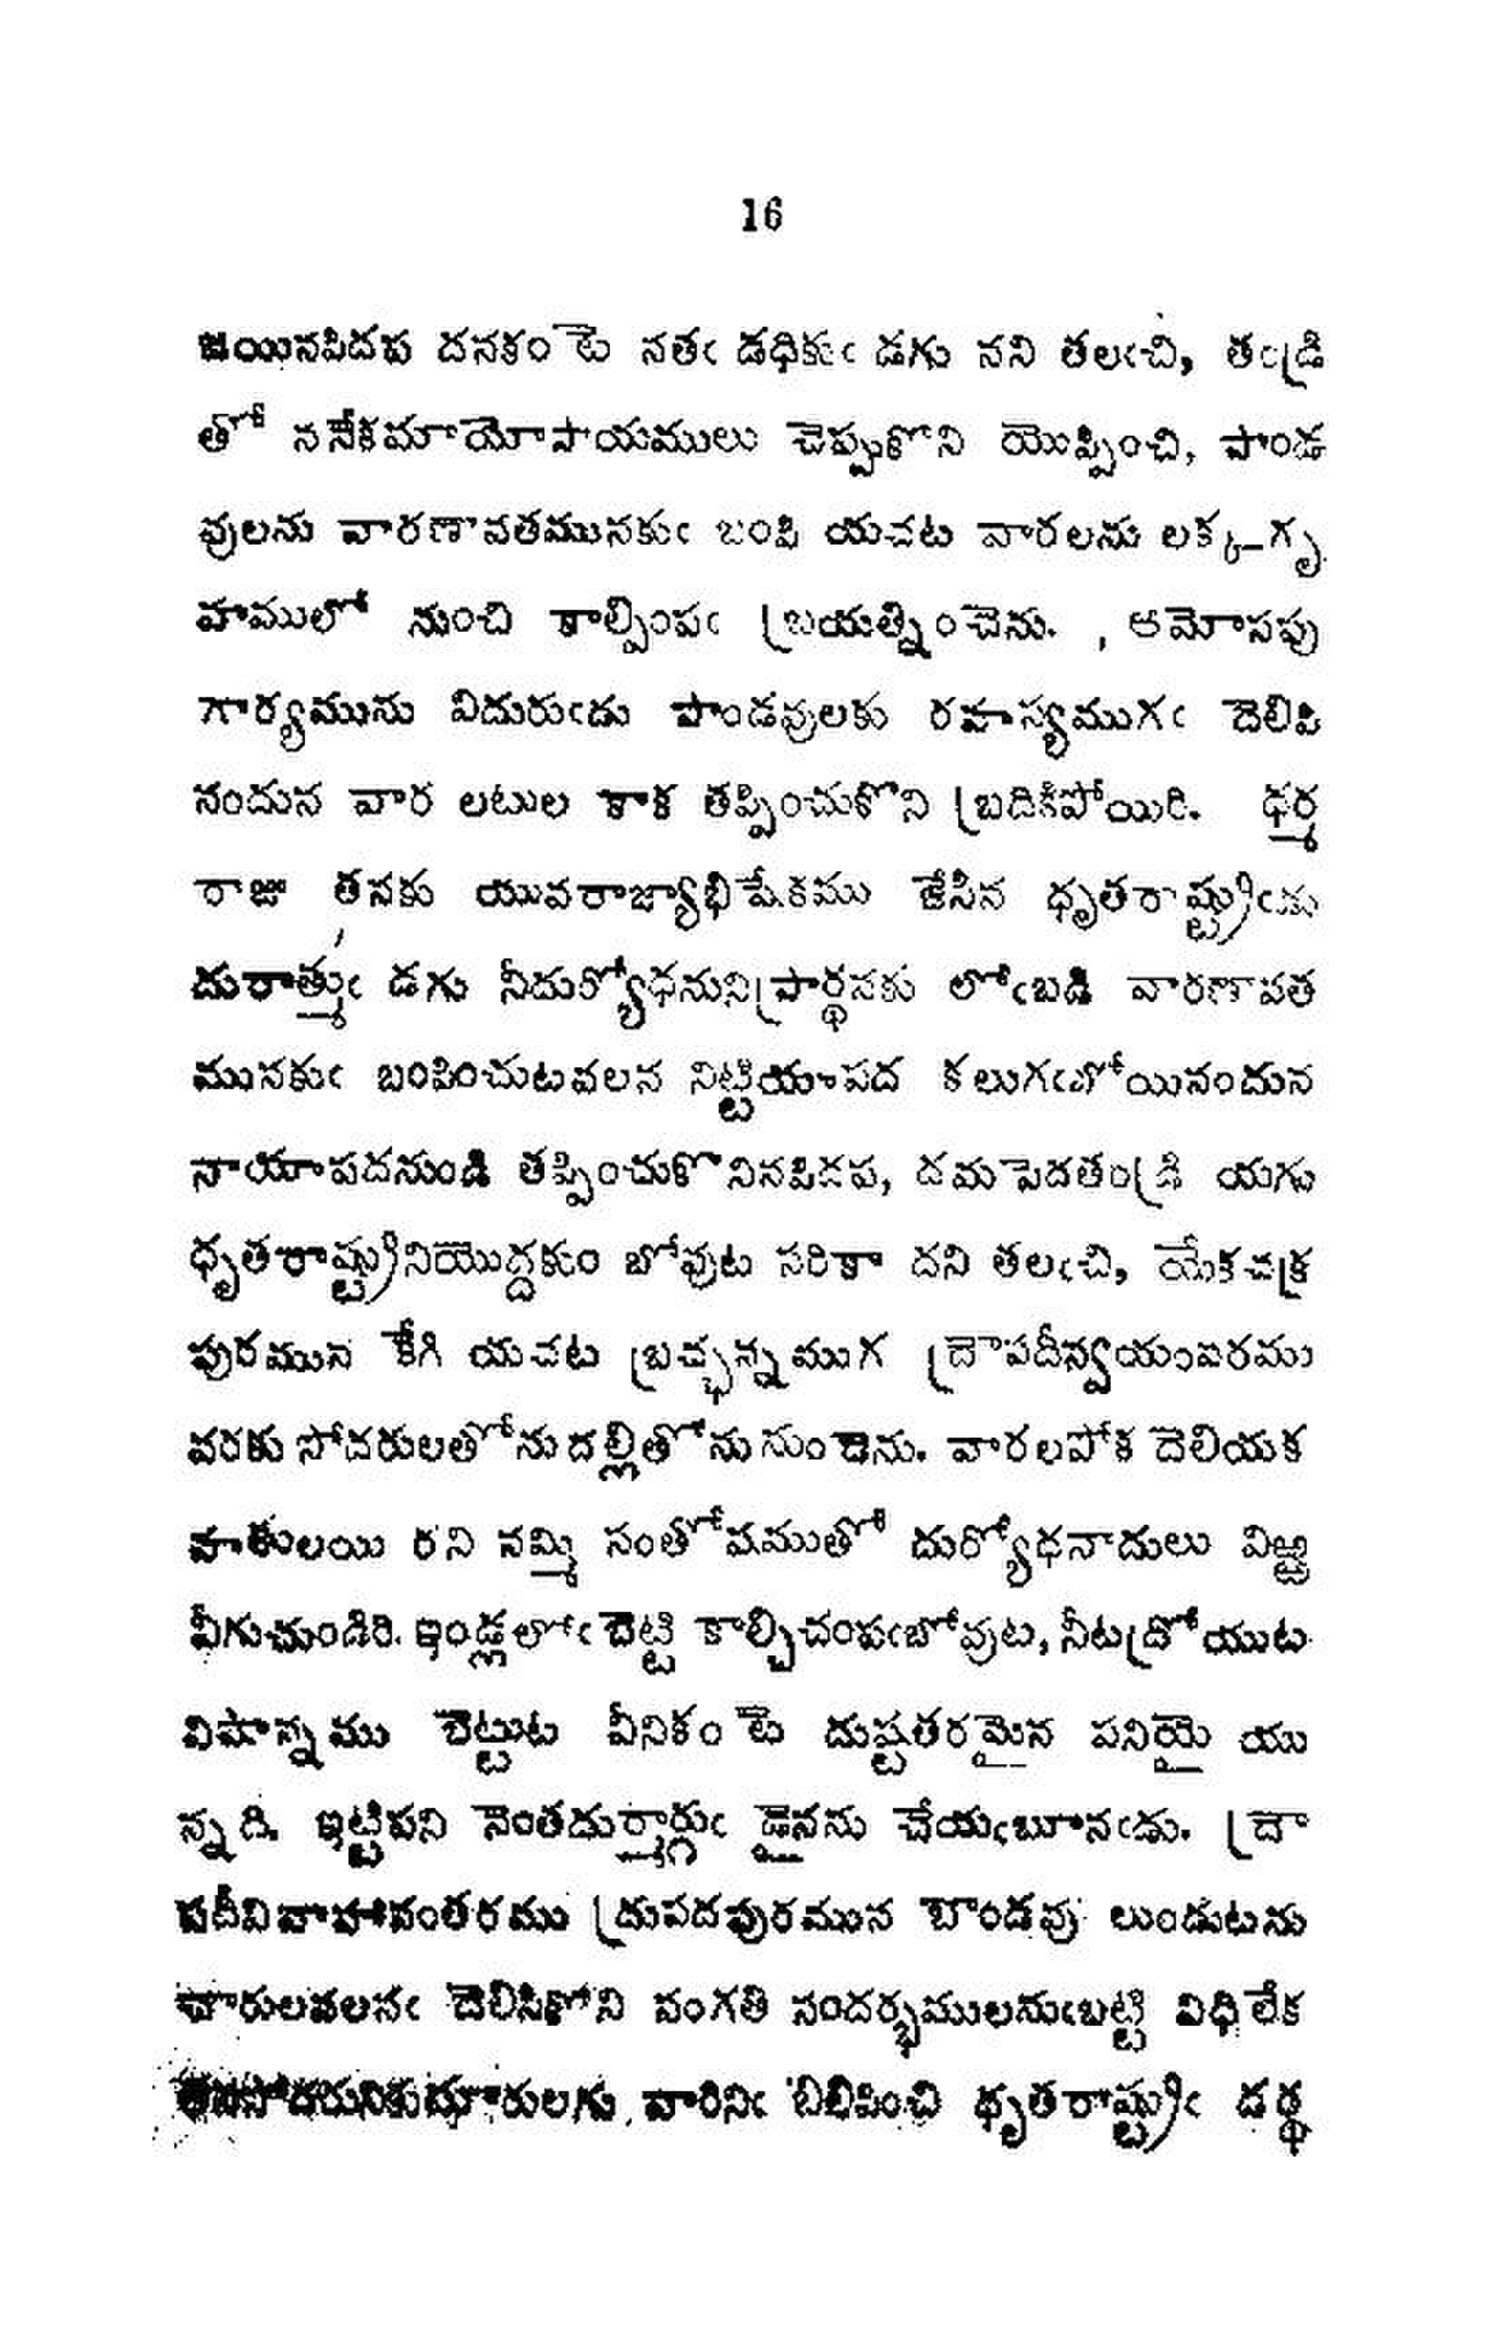జయినపిదప దనకంటె నతఁ డధికుఁ డగు నని తలఁచి, తండ్రితో ననేకమాయోపాయములు చెప్పుకొని యొప్పించి, పాండవులను వారణావతమునకుఁ బంపి యచట వారలను లక్క గృహములో నుంచి కాల్పింపఁ బ్రయత్నించెను. ఆమోసపు గార్యమును విదురుఁడు పాండవులకు రహస్యముగఁ దెలిపి నందున వార లటుల కాక తప్పించుకొని బ్రదికిపోయిరి. ధర్మరాజు తనకు యువరాజ్యాభిషేకము జేసిన ధృతరాష్ట్రుఁడు దురాత్ముఁ డగు నీదుర్యోధనునిప్రార్థనకు లోఁబడి వారణావతమునకుఁ బంపించుటవలన నిట్టియాపద కలుగఁబోయినందున నాయాపదనుండి తప్పించుకొనినపిదప, దమపెదతండ్రి యగు ధృతరాష్ట్రునియొద్దకుం బోవుట సరికా దని తలఁచి, యేకచక్రపురమున కేగి యచట బ్రచ్ఛన్నముగ ద్రౌపదీస్వయంవరము వరకు సోదరులతోను దల్లితోను నుండెను. వారలపోక దెలియక హతులయి రని నమ్మి సంతోషముతో దుర్యోధనాదులు విఱ్ఱ వీగుచుండిరి. ఇండ్లలోఁబెట్టి కాల్చిచంపఁబోవుట, నీటద్రోయుట విషాన్నము బెట్టుట వీనికంటె దుష్టతరమైన పనియై యున్నది. ఇట్టిపని నెంతదుర్మార్గుఁ డైనను చేయఁబూనఁడు. ద్రౌపదీవివాహానంతరము ద్రుపదపురమున బాండవు లుండుటను చారులవలనఁ దెలిసికొని సంగతి సందర్భములనుఁబట్టి విధిలేక
తనసోదరునికుమారులగు, వారినిఁ బిలిపించి ధృతరాష్ట్రుఁ డర్థ